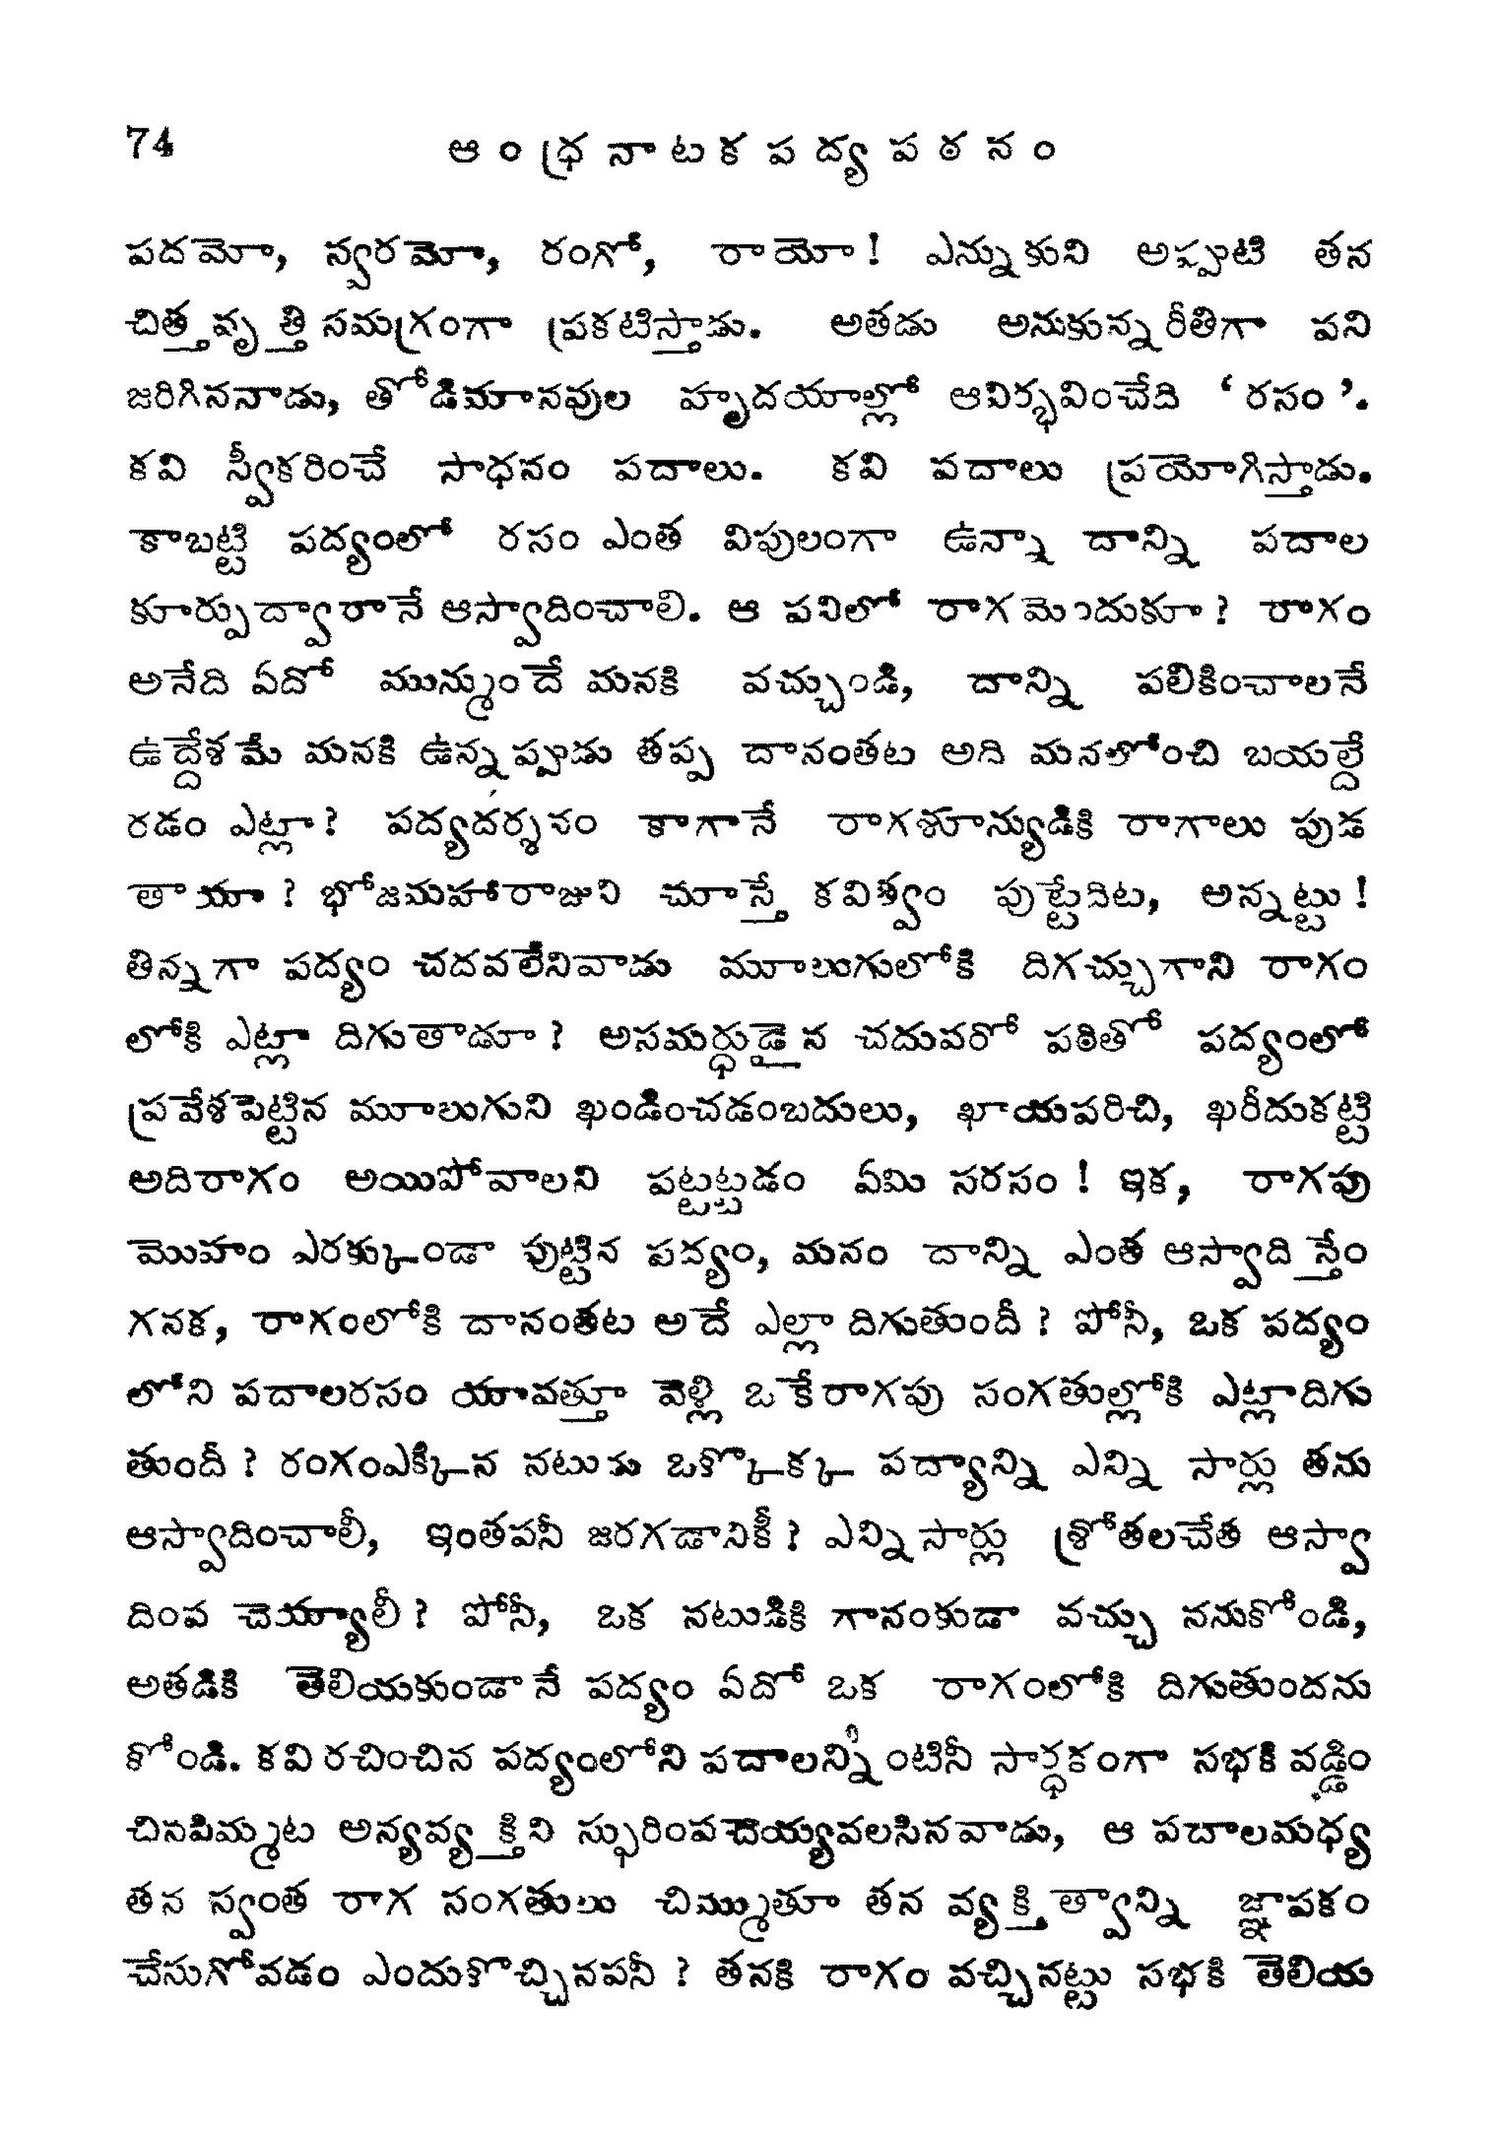పదమో, స్వరమో, రంగో, రాయో! ఎన్నుకుని అప్పటి తన
చిత్తవృత్తి సమగ్రంగా ప్రకటిస్తాడు. అతడు అనుకున్నరీతిగా పని
జరిగిననాడు, తోడిమానవుల హృదయాల్లో ఆవిర్భవించేది 'రసం'.
కవి స్వీకరించే సాధనం పదాలు. కవి పదాలు ప్రయోగిస్తాడు.
కాబట్టి పద్యంలో రసం ఎంత విపులంగా ఉన్నా దాన్ని పదాల
కూర్పుద్వారానే ఆస్వాదించాలి. ఆ పనిలో రాగమెందుకూ! రాగం
అనేది ఏదో మున్ముందే మనకి వచ్చుండి, దాన్ని పలికించాలనే
ఉద్దేశమే మనకి ఉన్నప్పుడు తప్ప దానంతట అది మనలోంచి బయల్దే
రడం ఎట్లా? పద్యదర్శనం కాగానే రాగశూన్యుడికి రాగాలు పుడ
తాయా! భోజమహారాజుని చూస్తే కవిత్వం పుట్టేదిట, అన్నట్టు !
తిన్నగా పద్యం చదవలేనివాడు మూలుగులోకి దిగచ్చుగాని రాగం
లోకి ఎట్లా దిగుతాడూ! అసమర్దుడైన చదువరో పఠితో పద్యంలో
ప్రవేశపెట్టిన మూలుగుని ఖండించడంబదులు, ఖాయపరిచి, ఖరీదుకట్టి
అదిరాగం అయిపోవాలని పట్టుపట్టడం ఏమి సరసం ! ఇక, రాగపు
మొహం ఎరక్కుండా పుట్టిన పద్యం, మనం దాన్ని ఎంత ఆస్వాదిస్తేం
గనక, రాగంలోకి దానంతట అదే ఎల్లా దిగుతుందీ ? పోనీ, ఒక పద్యం
లోని పదాలరసం యావత్తూ వెళ్లి ఒకేరాగపు సంగతుల్లోకి ఎట్లా దిగు
తుందీ ? రంగంఎక్కిన నటుకు ఒక్కొక్క పద్యాన్ని ఎన్ని సార్లు తను
ఆస్వాదించాలీ, ఇంతపనీ జరగడానికి ? ఎన్నిసార్లు శ్రోతలచేత ఆస్వా
దింప చెయ్యాలీ ! పోనీ, ఒక నటుడికి గానంకుడా వచ్చు ననుకోండి,
అతడికి తెలియకుండానే పద్యం ఏదో ఒక రాగంలోకి దిగుతుందను
కోండి. కవిరచించిన పద్యంలోని పదాలన్నింటినీ సార్ధకంగా సభకి వడ్డిం
చినపిమ్మట అన్యవ్య క్తిని స్ఫురింపచెయ్యవలసినవాడు, ఆ పదాలమధ్య
తన స్వంత రాగ సంగతులు చిమ్ముతూ తన వ్యక్తిత్వాన్ని జ్ఞాపకం
చేసుగోవడం ఎందుకొచ్చినపనీ ? తనకి రాగం వచ్చినట్టు సభకి తెలియ